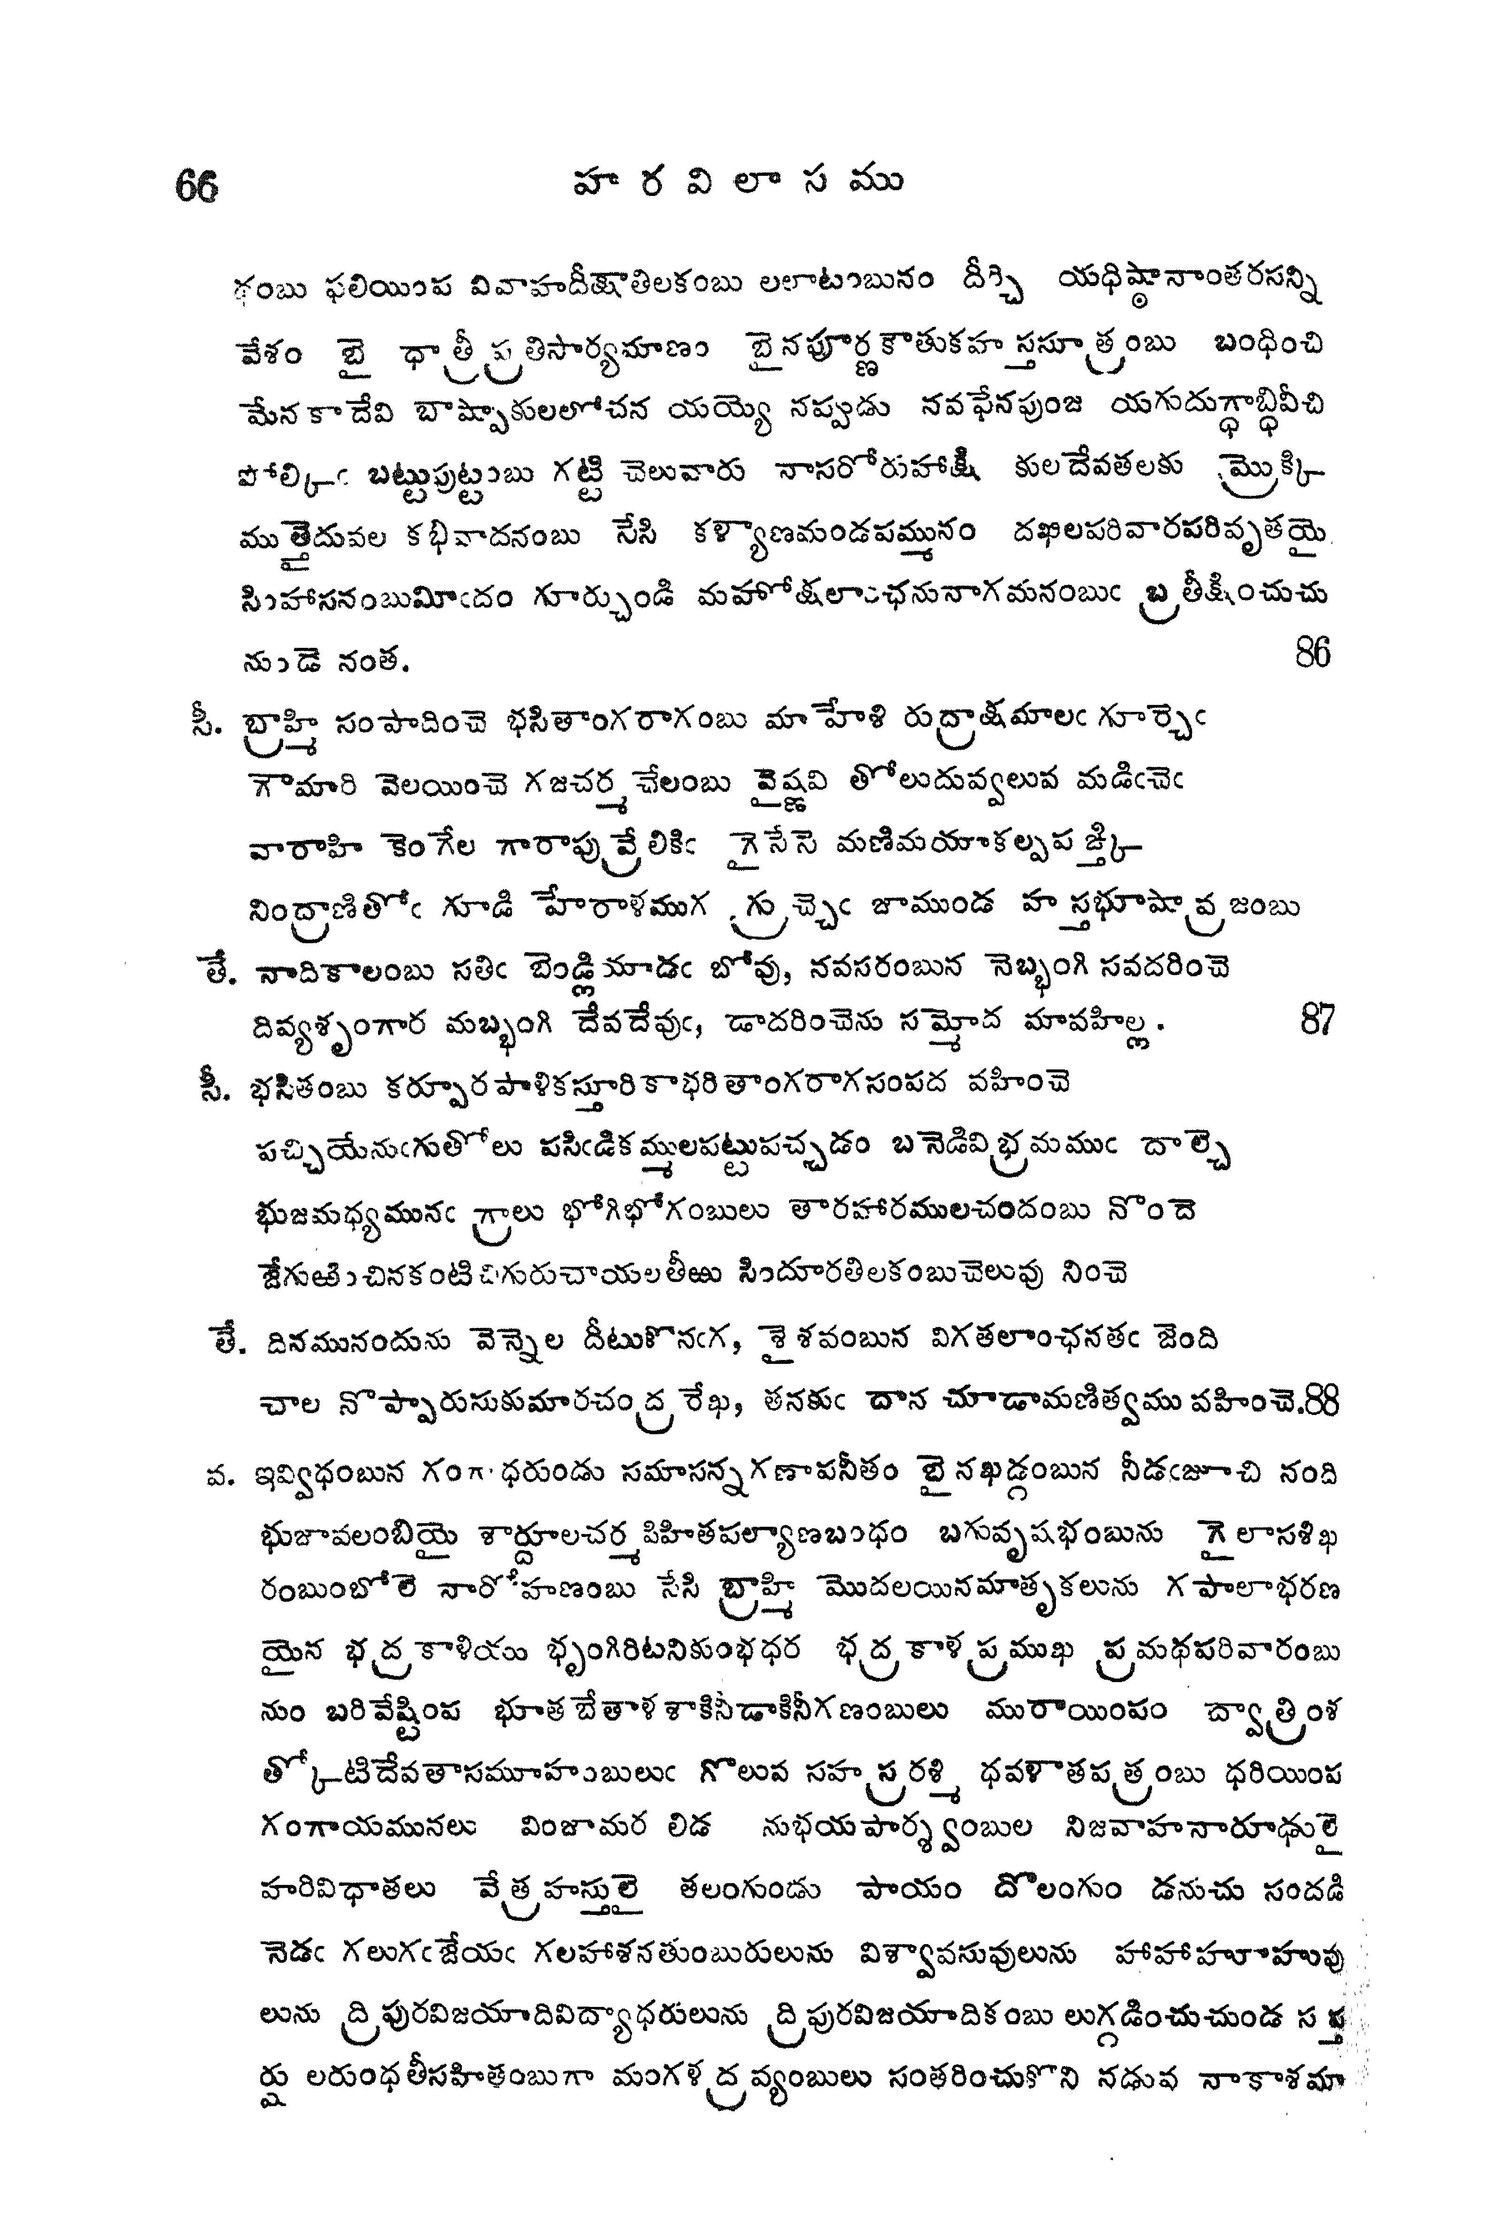గంబు ఫలియింప వివాహదీక్షాతిలకంబు లలాటంబునం దీర్చె యధిష్ఠానాంతరసన్నివేశంబై ధాత్రీప్రతిసార్యమాణం బైనపూర్ణకౌతుకహస్తసూత్రంబు బంధించి మేనకాదేవి బాష్పాకులలోచన యయ్యె నప్పుడు నవఫేనపుంజ యగుదుద్ధాబ్ధివీచి పోల్కిఁ బట్టుపుట్టంబు గట్టి చెలువారు నాసరోరుహాక్షి కులదేవతలకు మొక్కి ముత్తెదువల కభివాదనంబు సేసి కళ్యాణమండపమ్మునం దఖిలపరివారపరివృతయై సిహాసనంబుమీఁదం గూర్చుండి మహోక్షలాంఛనునాగమనంబుఁ బ్రతీక్షించుచునుండె నంత. 86

సీ. బ్రాహ్మి సంపాదించె భసితాం రాగంబు మాహేశి రుద్రాక్షమాలఁ గూర్చె
గౌమారి వెలయించె గజచర్మచేలంబు వైష్ణవి తోలుదువ్వలువ మడిఁచె
వారాహి కెంగేల గారాపువ్రేలికిఁ గైసేసె మణిమయకల్పపఙ్క్తి
నింద్రాణితోఁ గూడి హేరాళముగ గ్రుచ్చెఁ జాముండ హస్తభూషావ్రజంబు
తే. నాదికాలంబు సతిఁ బెండ్లియాడఁబోవు, నవసరంబున నెబ్భంగి సవదరించె
దివ్యశృంగార మబ్బంగి దేవదేవుఁ, డాదరించెను సమ్మోద మావహిల్ల. 87

సీ. భసితంబు కర్పూరపాళికస్తూరికాభరితాంగరాగసంపద వహించె
పచ్చియేనుఁగుతోలు పసిఁడికమ్ములపట్టుపచ్చడం బనెడివిభ్రమముఁ దాల్చె
భుజమధ్యమునఁ గ్రాలు భోగిభోగంబులు తారహారములచందంబు నొందె
జేగుఱించినకంటిచిగురుచాయలతీఱు సిందూరతిలకంబుచెలువు నించె
తే. దినమునందును వెన్నెల దీటుకొనఁగ, శైశవంబున విగతలాంఛనతఁ జెంది
చాల నొప్పారుసుకుమారచంద్రరేఖ, తనకుఁ దాన చూడామణిత్వము వహించె. 88

వ. ఇవ్విధంబున గంగాధరుండు సమాసన్నగణాపనీతం బైనఖడ్గంబున నీడఁజూచి నందిభుజావలంబియై శార్దూలచరపిహితపల్యాణబంధం బగువృషభంబును గైలాసశిఖరంబుంబోలె నారోహణంబు సేసి బ్రాహ్మి మొదలయిన మాతృకలును గపాలాభరణయైన భద్రకాళియు భృంగిరిటనికుంభధరభద్రకాళప్రముఖప్రమథపరివారంబునుం బరివేష్టింప భూతబేతాళశాకినీడాకినీగణంబులు మురాయింపం ద్వాత్రింశత్కోటిదేవతాసమూహుబులుఁ గొలువ సహస్రరశ్మిధవళాతపత్రంబు ధరియింప గంగాయమునలు వింజామర లిడ నుభయపార్శ్వంబుల నిజవాహనారూఢులై హరివిధాతలు వేత్రహస్తులై తలంగుండు పాయం దొలంగుం డనుచు సందడి నెడఁ గలుగఁజేయఁ గలహాశనతుంబురులును విశ్వావసువులును హాహాహూహువులును ద్రిపురవిజయాదివిద్యాధరులును ద్రిపురవిజయాదికంబు లుగ్గడించుచుండ సప్తర్షు లరుంధతీసహితంబుగా మంగళద్రవ్యంబులు సంతరించుకొని నడువ నాకాశమా